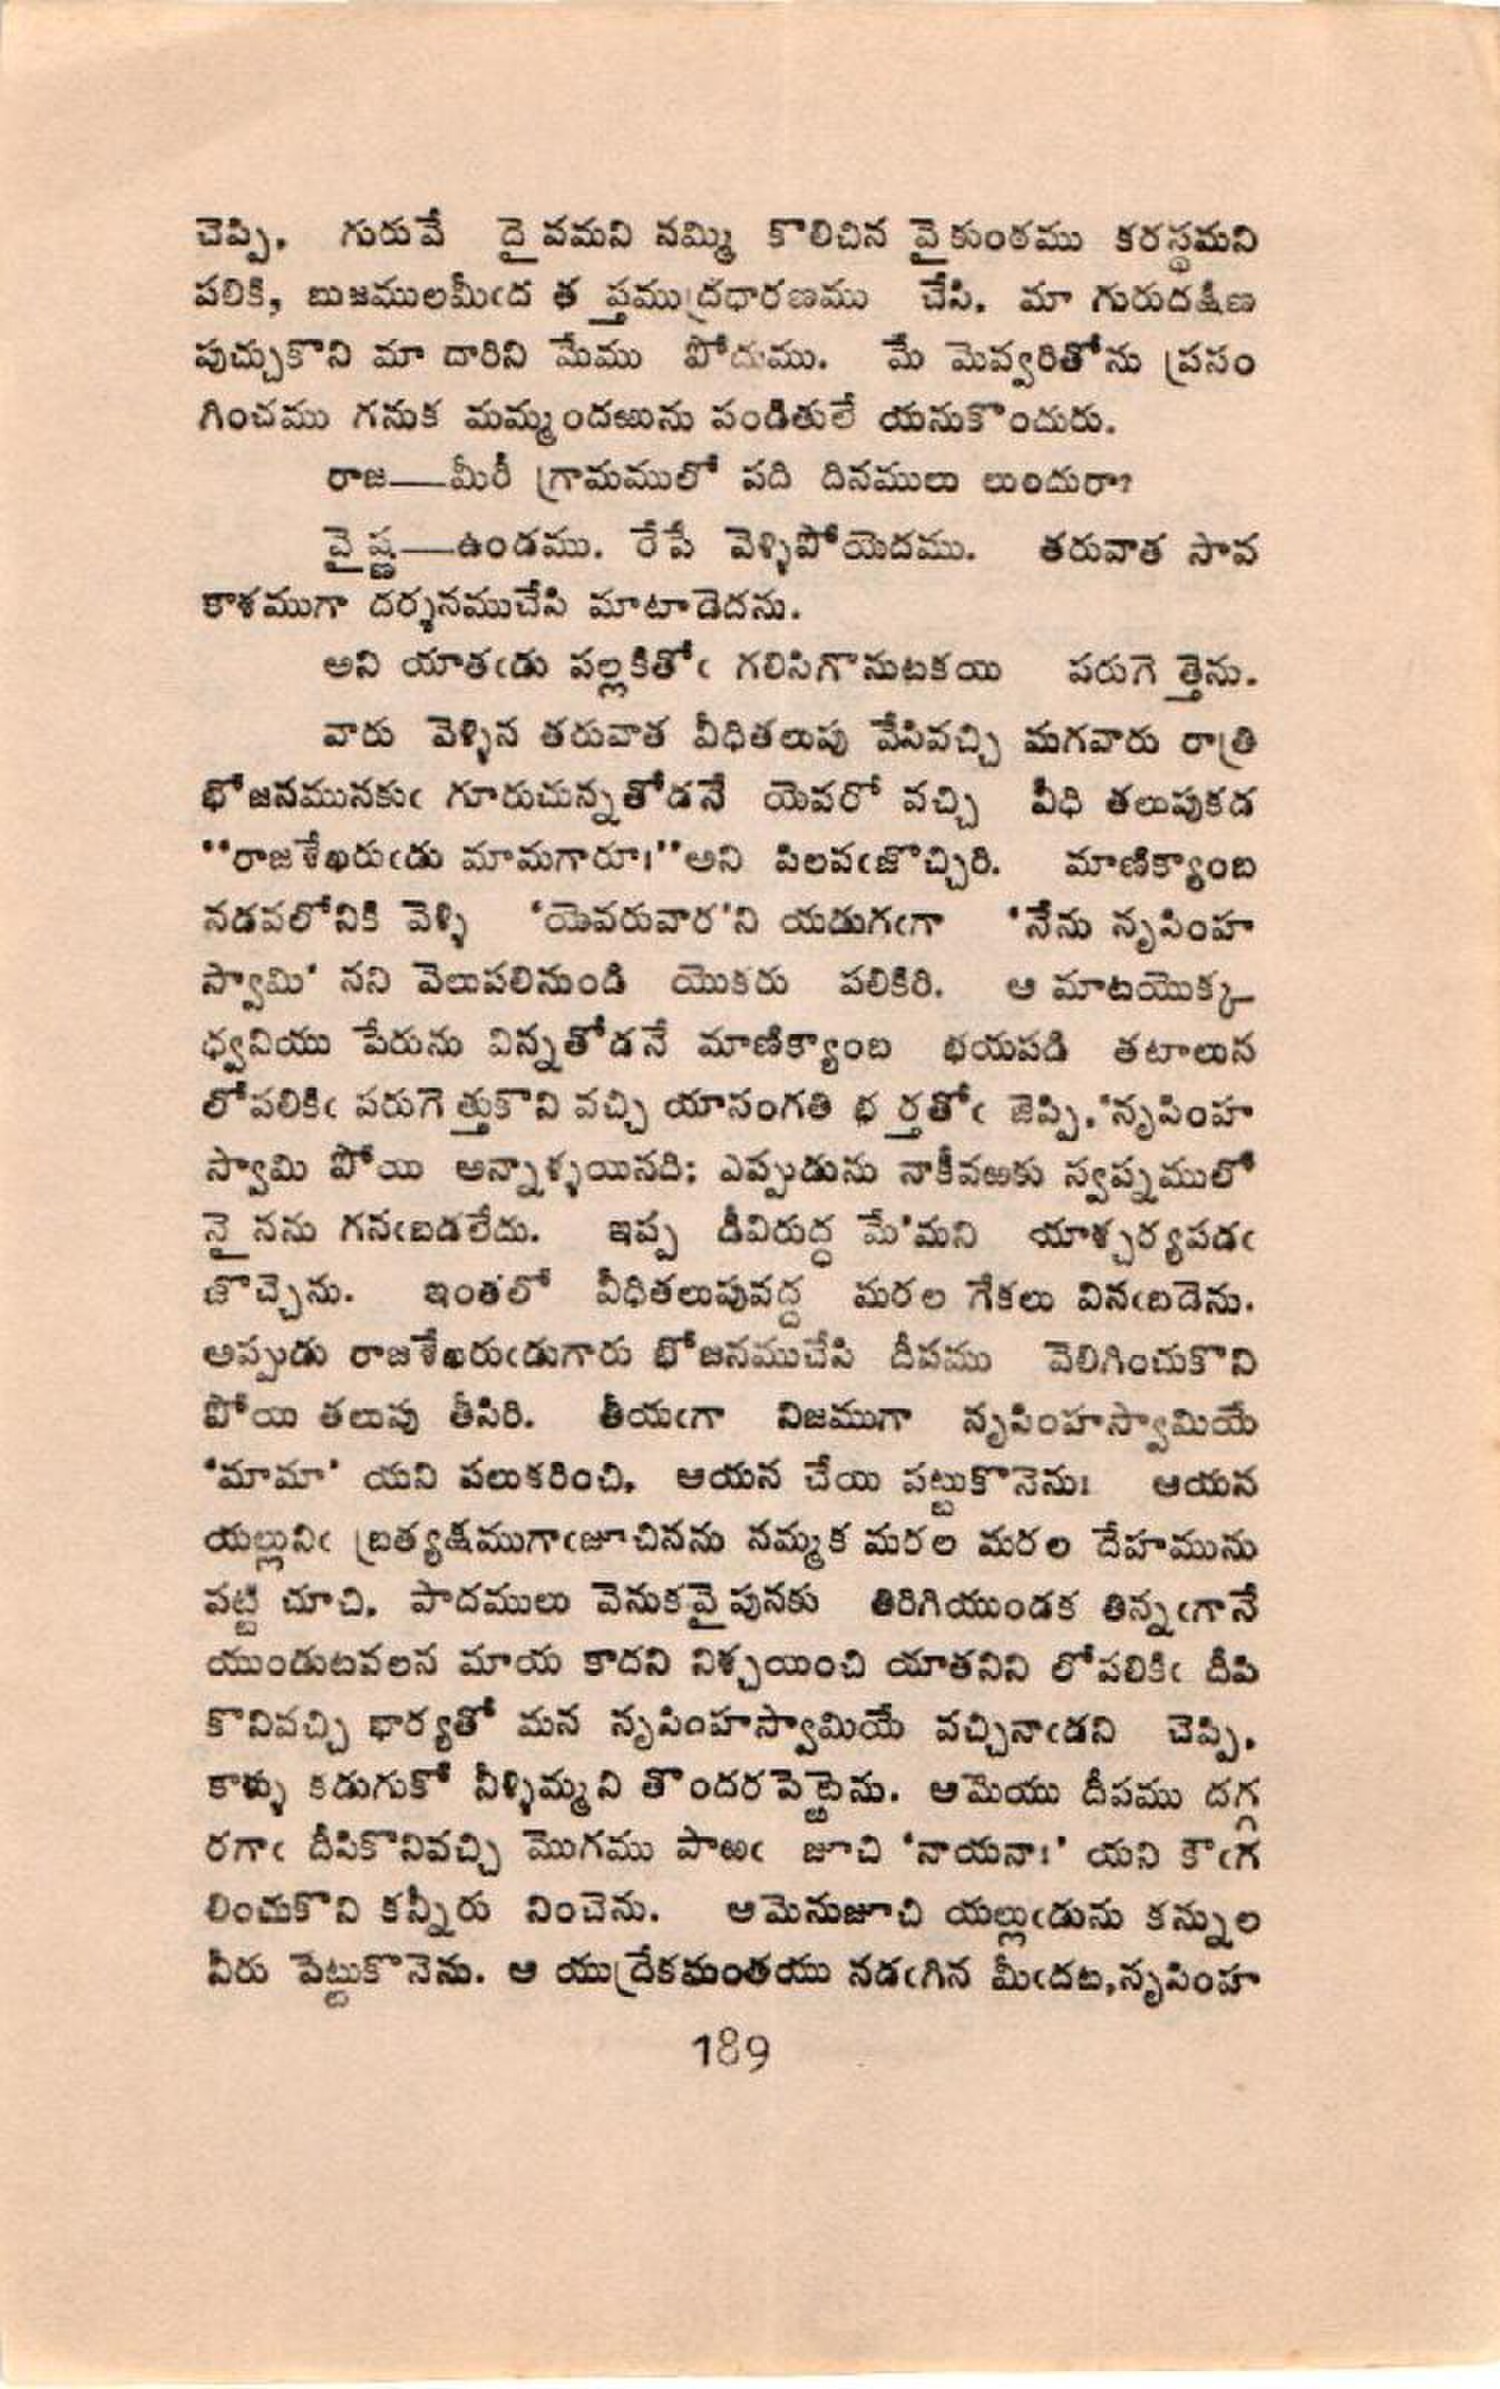చెప్పి, గురువే దైవమని నమ్మి కొలిచిన వైకుంఠము కరస్థమని పలికి, బుజములమీఁద తప్తముద్రధారణము చేసి, మా గురుదక్షిణ పుచ్చుకొని మా దారిని మేము పోదుము. మే మెవ్వరితోను ప్రసంగించము గనుక మమ్మందఱును పండితులే యనుకొందురు.

రాజ__మీరీ గ్రామములో పది దినములు లుందురా? 

వైష్ణ__ఉండము. రేపే వెళ్ళిపోయెదము. తరువాత సావ కాశముగా దర్శనముచేసి మాటాడెదను.

అని యాతఁడు పల్లకితోఁ గలిసిగొనుటకయి పరుగెత్తెను.

వారు వెళ్ళిన తరువాత వీధితలుపు వేసివచ్చి మగవారు రాత్రి భోజనమునకుఁ గూరుచున్నతోడనే యెవరో వచ్చి వీధి తలుపుకడ “రాజశేఖరుఁడు మామగారూ!"అని పిలవఁజొచ్చిరి. మాణిక్యాంబ నడవలోనికి వెళ్ళి "యెవరువార"ని యడుగంగా "నేను నృసింహ స్వామి’ నని వెలుపలినుండి యొకరు పలికిరి. ఆ మాట యొక్కధ్వనియు పేరును విన్నతోడనే మాణిక్యాంబ భయపడి తటాలున లోపలికిఁ పరుగెత్తుకొని వచ్చి యాసంగతి భర్తతోఁ జెప్పి,"నృపింహ స్వామి బోయి అన్నాళ్ళయినది; ఎప్పడును నాకీవలకు స్వప్నములో నైనను గనఁబడలేదు. ఇప్ప డీవిరుద్ధ మే'మని యాశ్చర్యపడఁ జొచ్చెను. ఇంతలో వీధితలుపువద్ద మరల గేకలు వినబడెను. అప్పుడు రాజశేఖరుఁడుగారు భోజనముచేసి దీపము వెలిగించుకొని పోయి తలుపు తీసిరి. తీయఁగా నిజముగా నృసింహస్వామియే 'మామా' యని పలుకరించి, ఆయన చేయి పట్టుకొనెను. ఆయన యల్లునిఁ బ్రత్యక్షముగాఁజూచినను నమ్మక మరల మరల దేహమును పట్టి చూచి, పాదములు వెనుకవైపునకు తిరిగియుండక తిన్నఁగానే యుండుటవలన మాయ కాదని నిశ్చయించి యాతనిని లోపలికిఁ దీసి కొనివచ్చి భార్యతో మన నృసింహస్వామియే వచ్చినాఁడని చెప్పి, కాళ్ళు కడుగుకో నీళ్ళిమ్మని తొందరపెట్టెను. ఆమెయు దీపము దగ్గ రగాఁ దీసికొనివచ్చి మొగము పాఱఁ జూచి "నాయనా" యని కౌఁగ లించుకొని కన్నీరు నించెను. ఆమెనుజూచి యల్లుఁడును కన్నుల నీరు పెట్టుకొనెను. ఆ యుద్రేకమంతయు నడఁగిన మీఁదట,నృసింహ